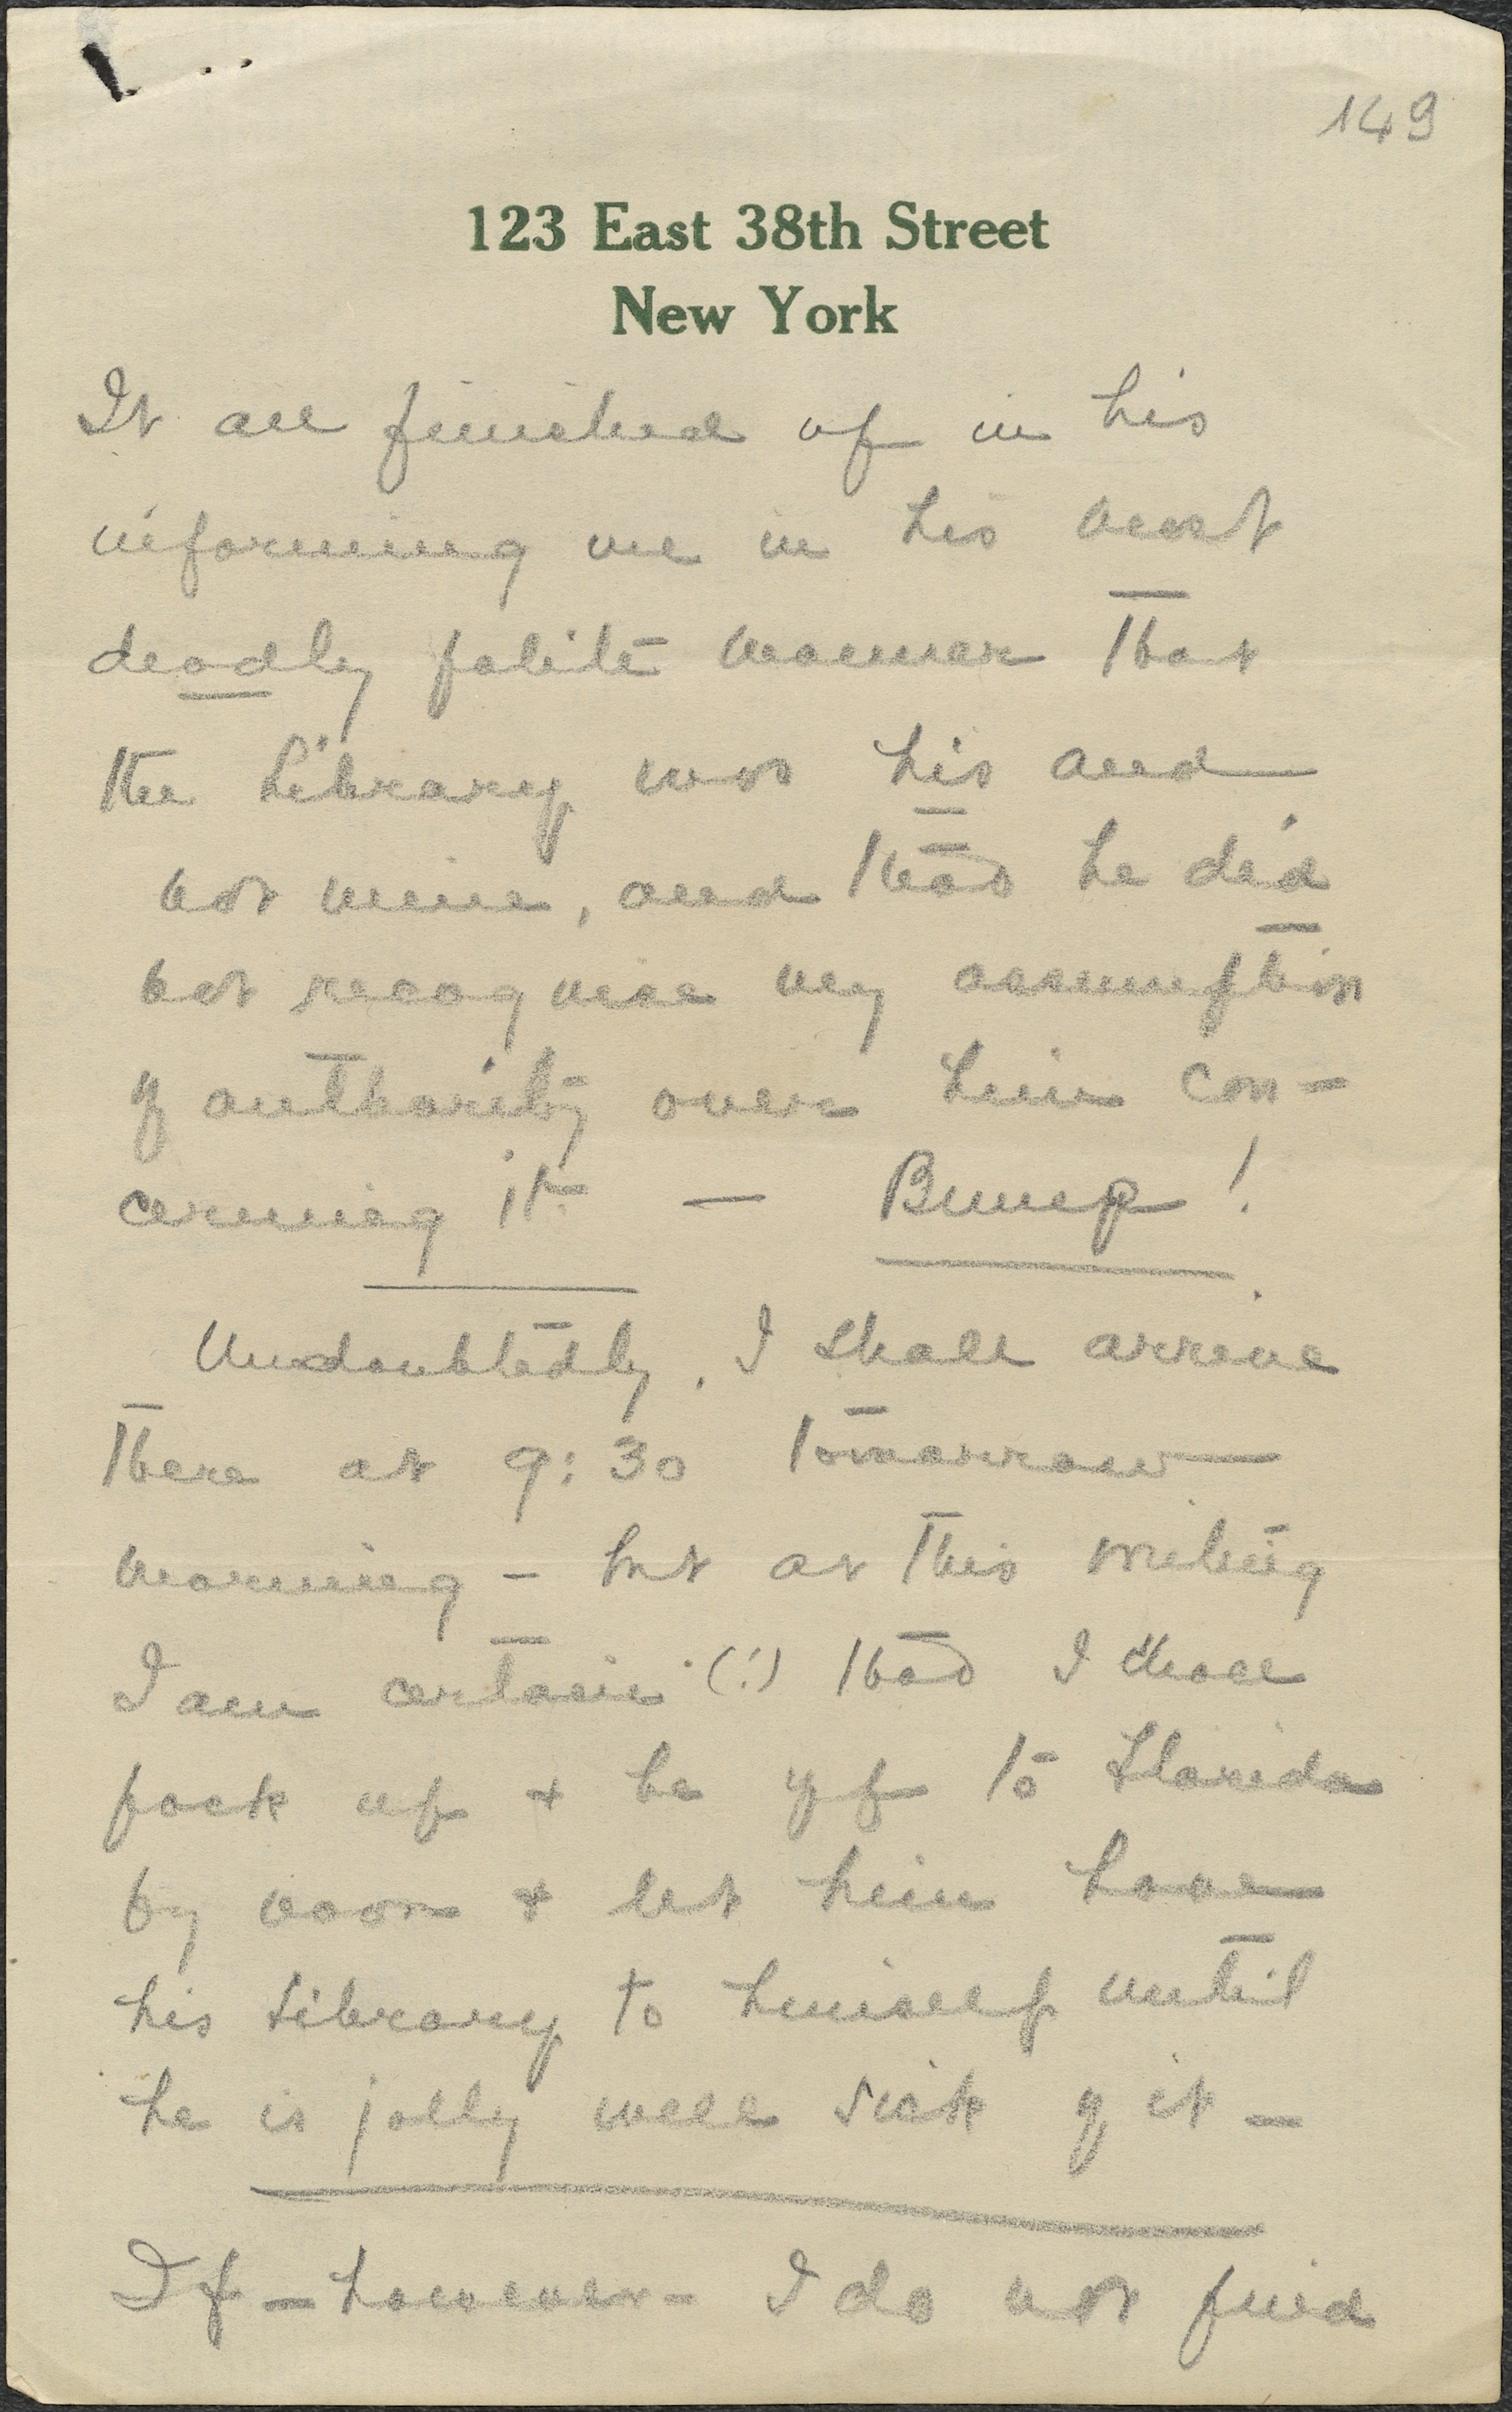It all finished up in his informing me in his most deadly polite manner that the Library was his and not mine, and that he did not recognise my assumption of authority over him concerning it – Bump!
Undoubtedly, I shall arrive there at 9:30 tomorrow morning – but at this writing I am certain (!) that I shall pack up & be off to Florida by noon & let him have his Library to himself until he is jolly well sick of it –
If – however – I do not find